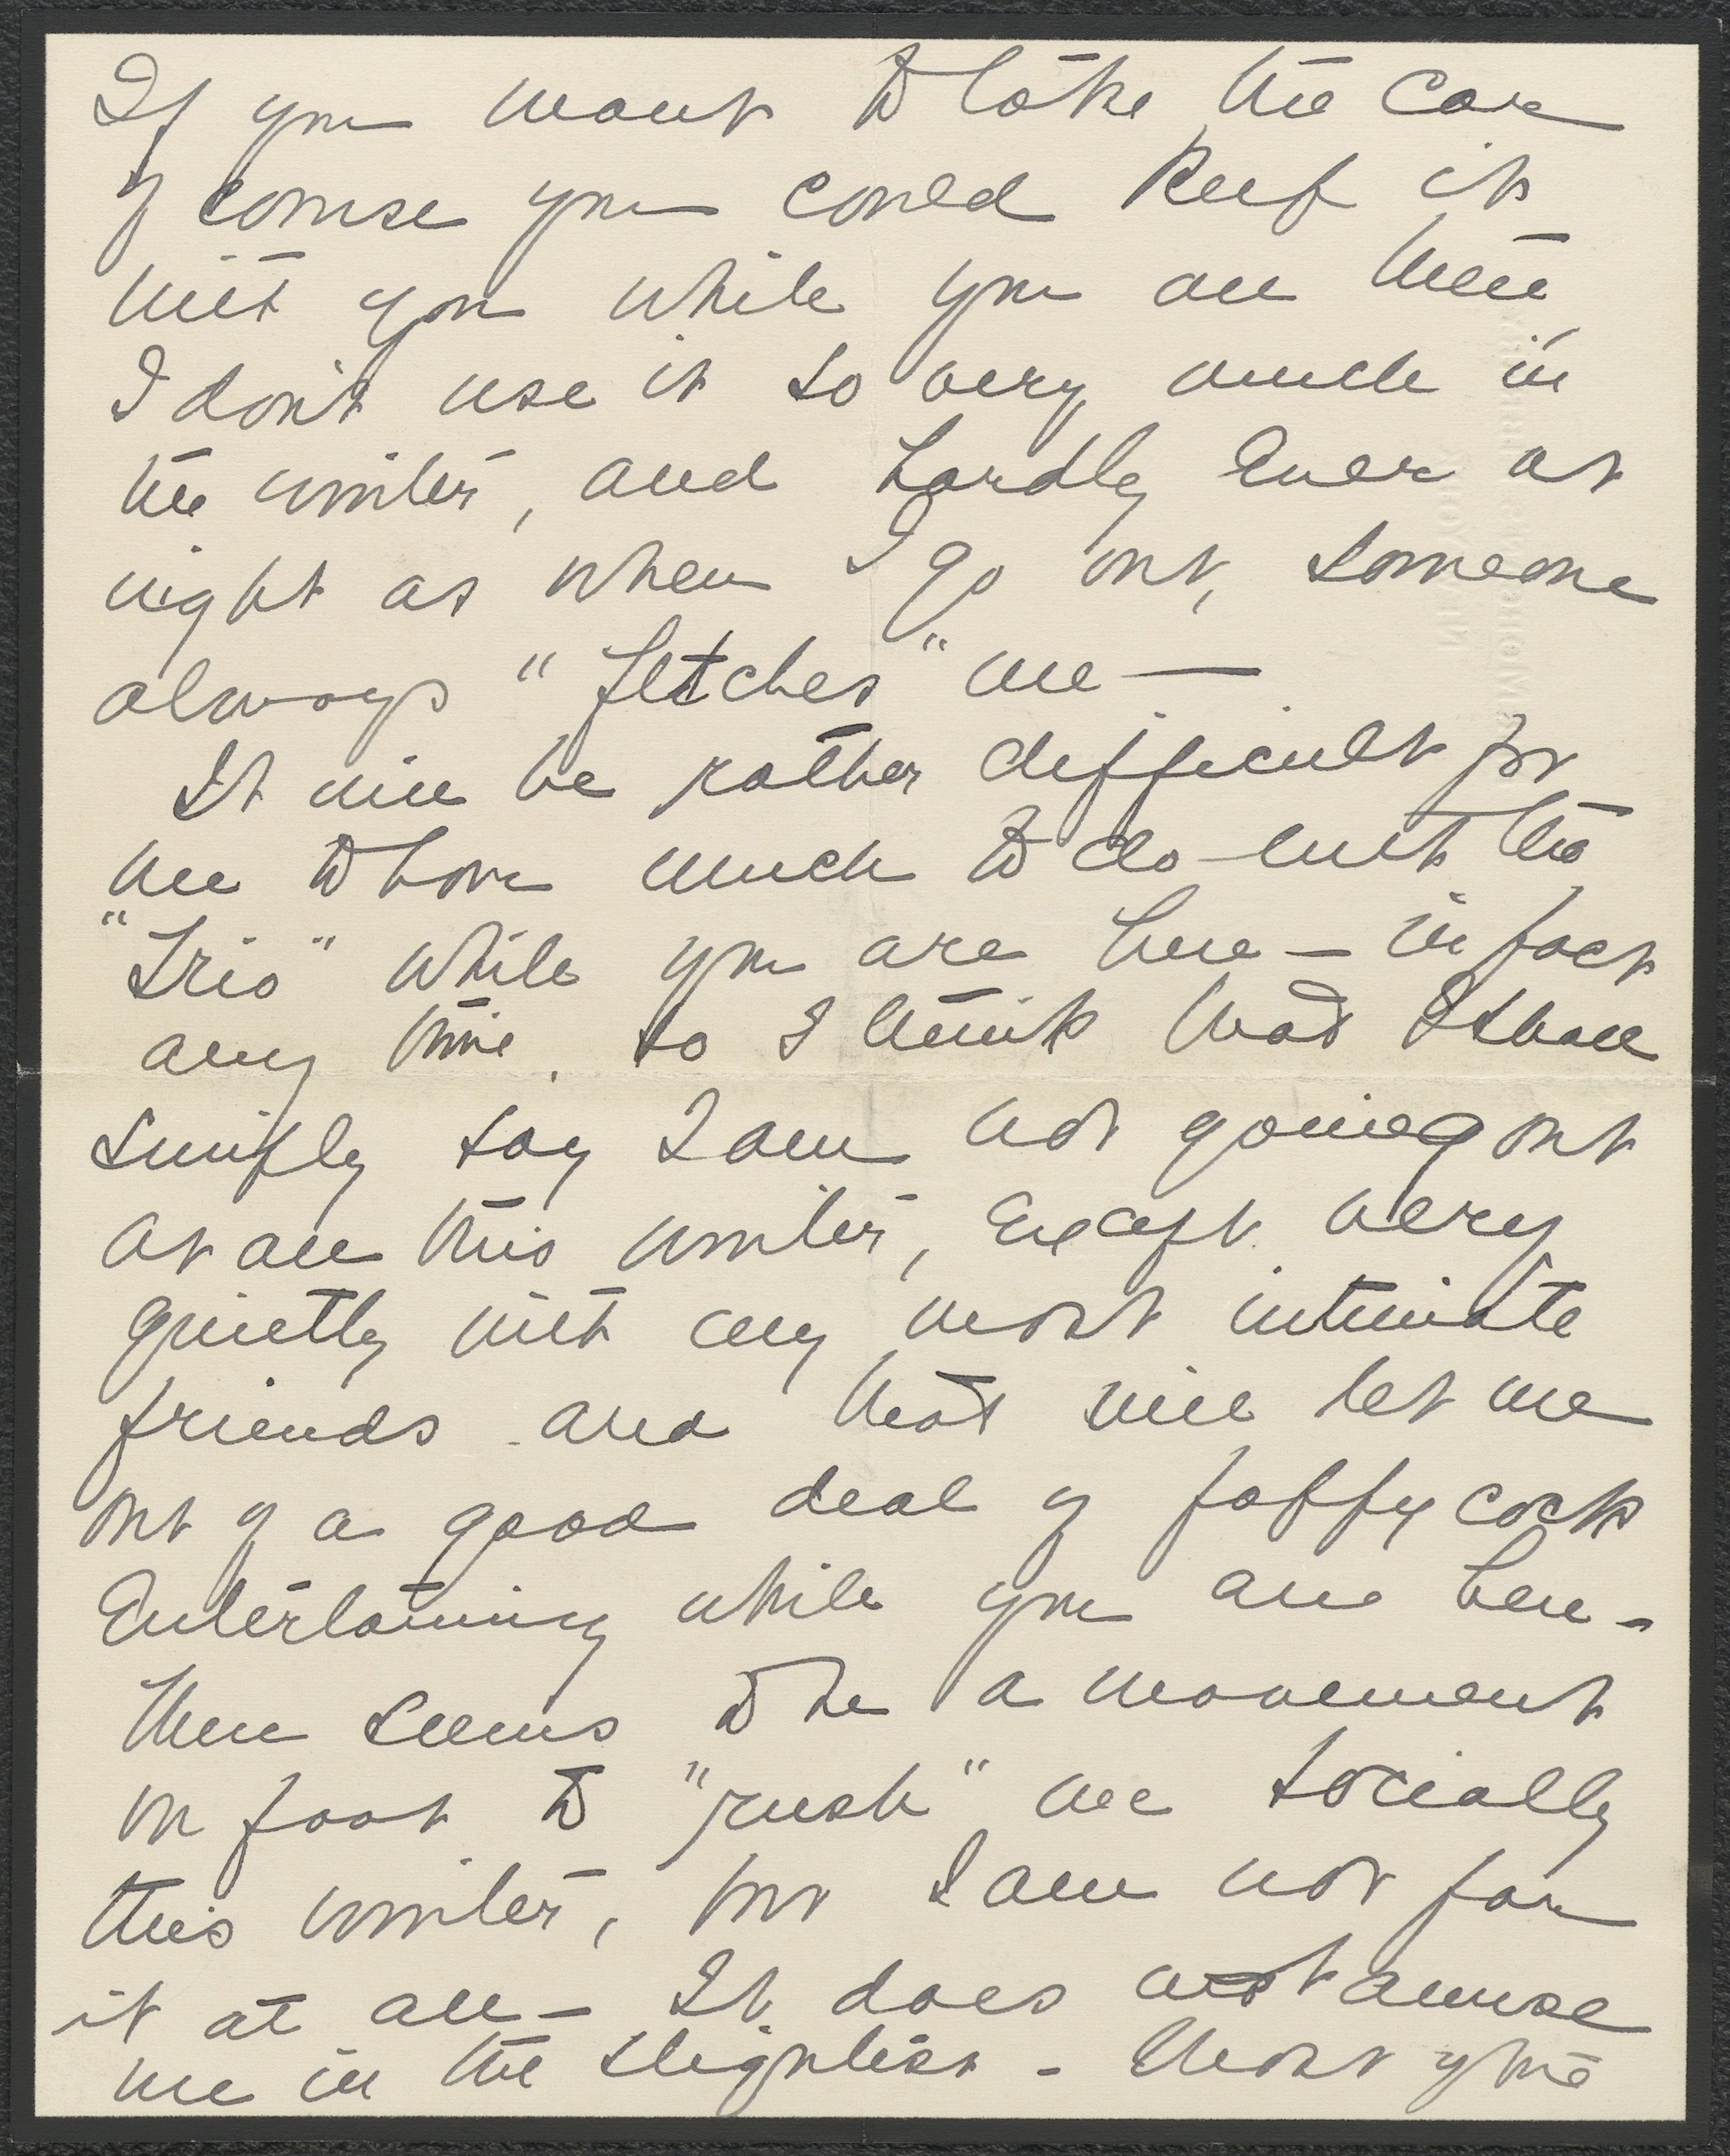If you want to take the car of course you could keep it with you while you are there, I don’t use it so very much in the winter, and hardly ever at night as when I go out, someone always “fetches” me –
It will be rather difficult for me to have much to do with the “Trio” while you are here – in fact any time. So I think that I shall simply say I am not going out at all this winter, except very quietly with my most intimate friends and that will let me out of a good deal of poppy cock entertaining while you are here –
There seems to be a movement on foot to “rush” me socially this winter, but I am not for it at all – It does not amuse me in the slightest – Most of the